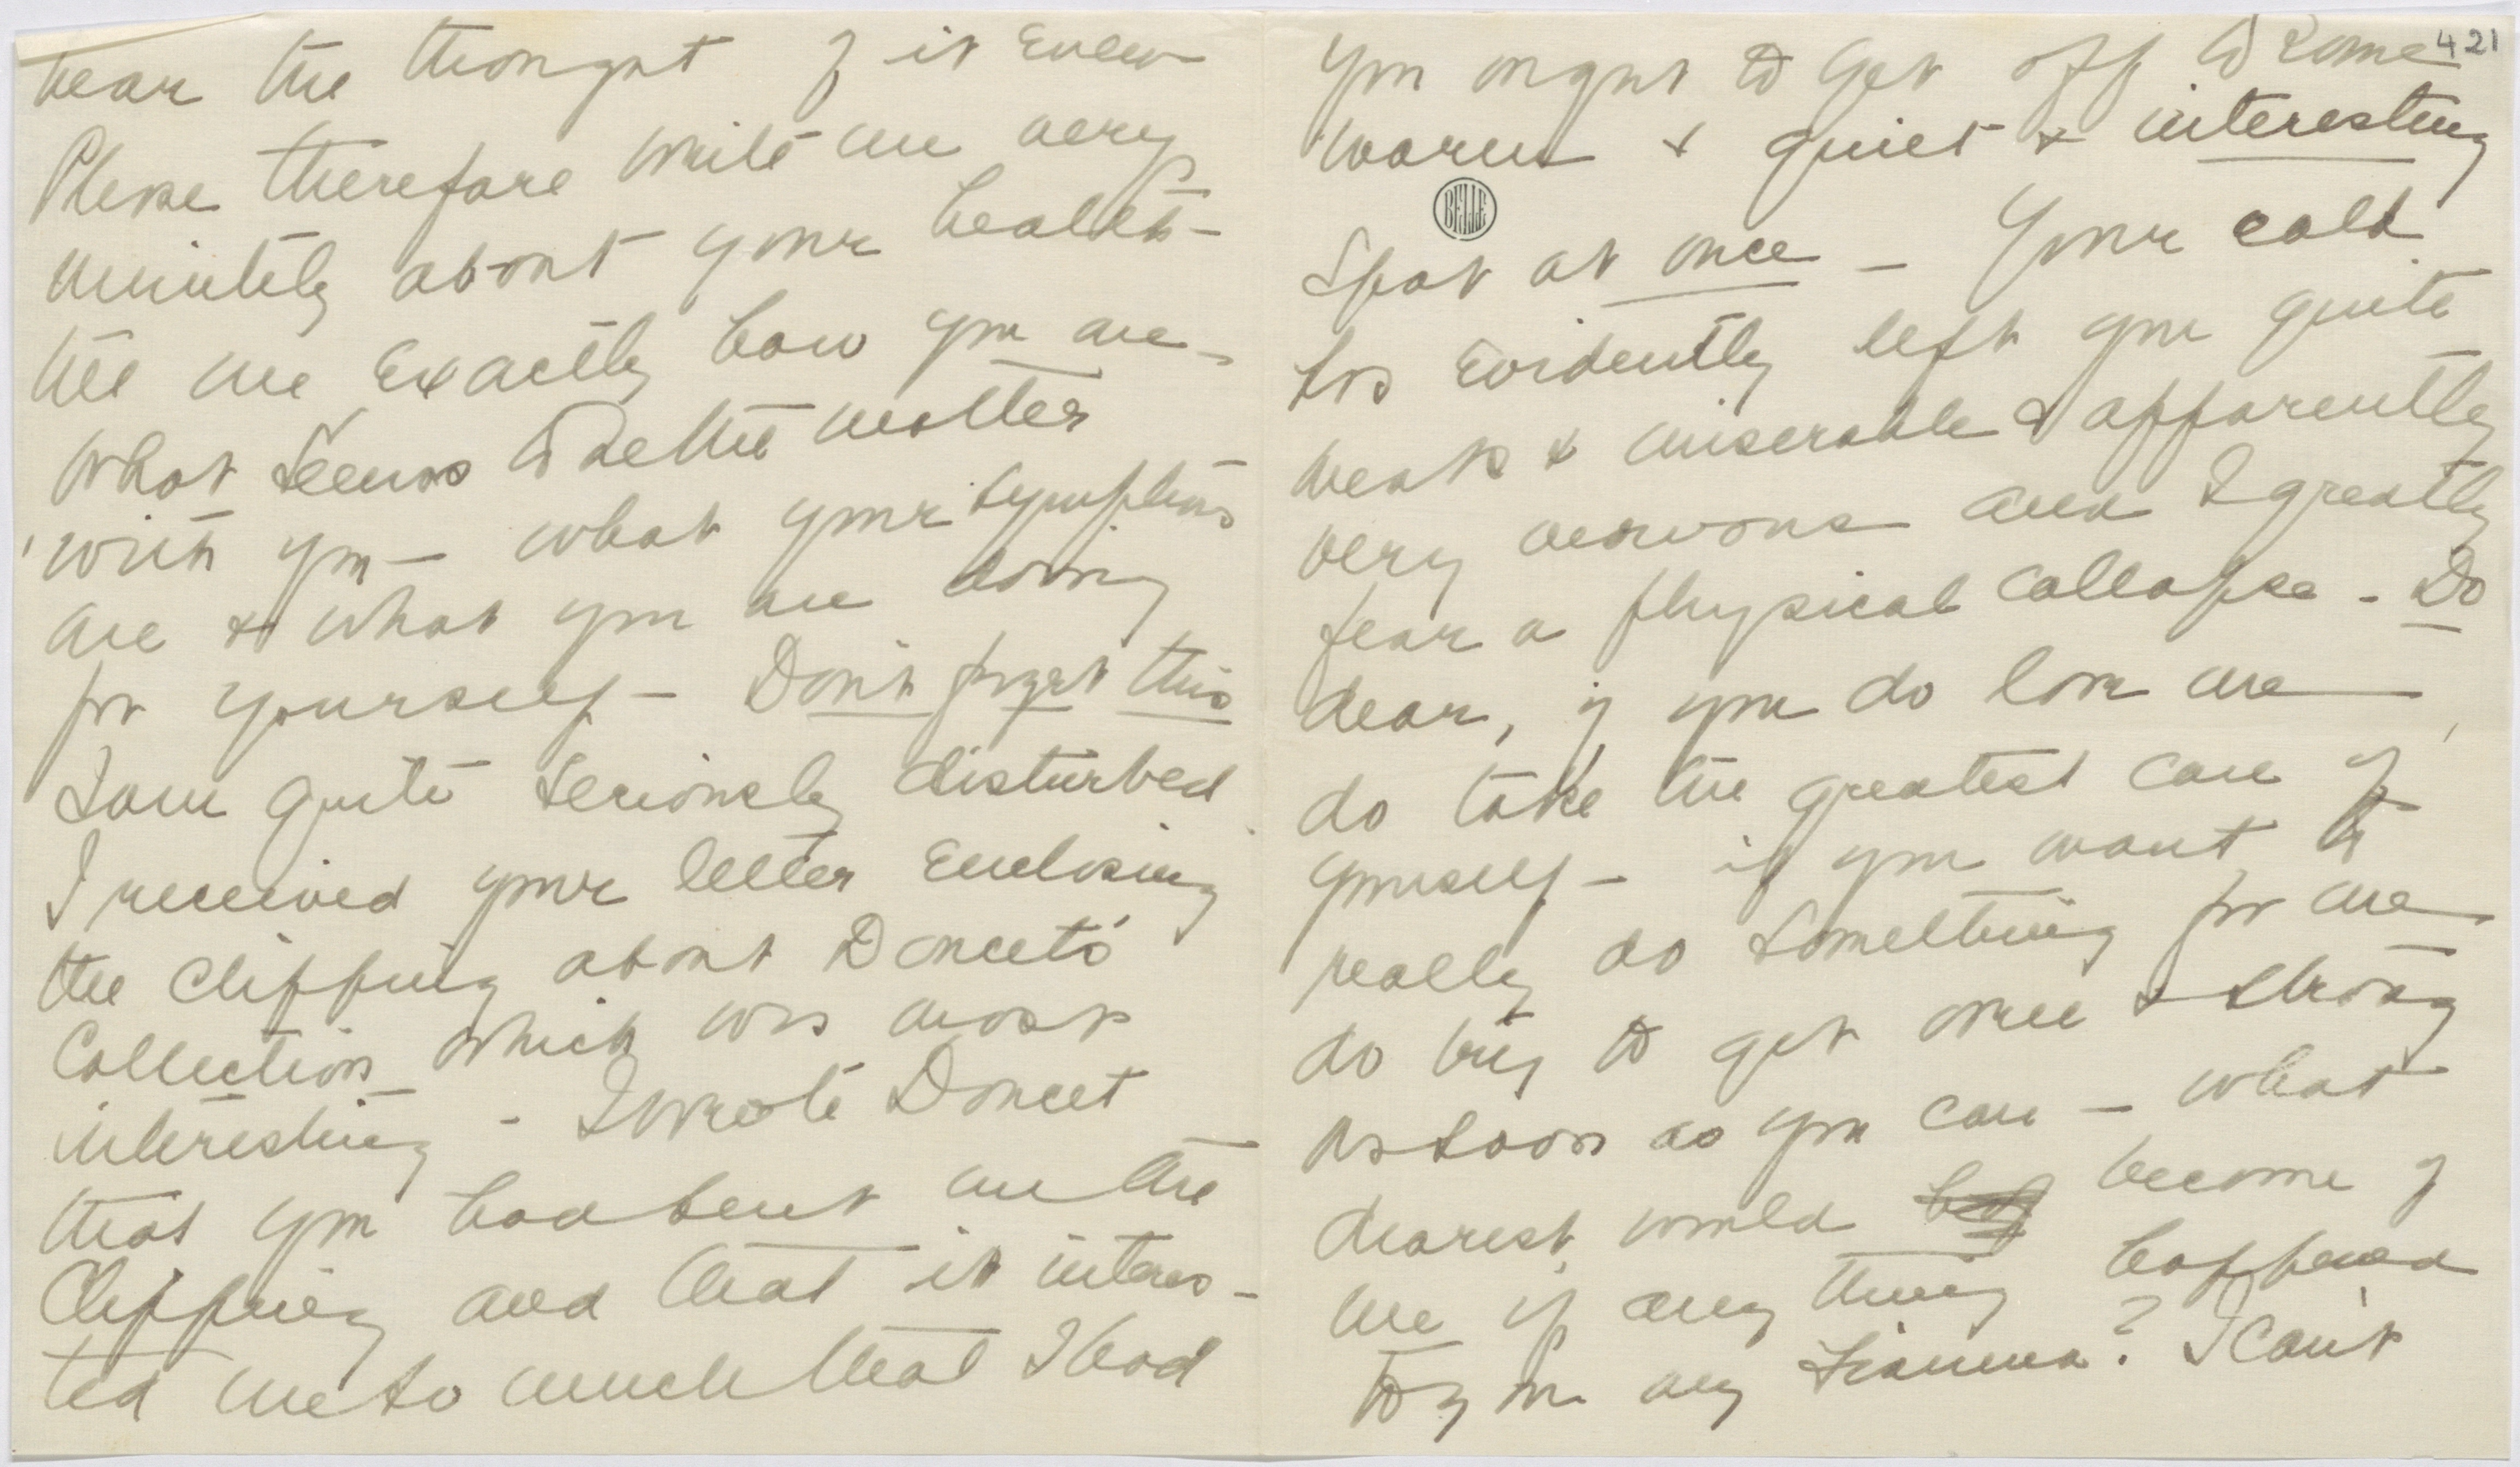you ought to get off to some warm & quiet & interesting spot at once – Your cold has evidently left you quite weak & miserable & apparently very nervous and I greatly fear a physical collapse – Do dear, if you do love me, do take the greatest care of yourself – if you want to really do something for me do try to get well & strong as soon as you can – what dearest would hap become of me if any thing happened to you my Fiamma? I can’t
bear the thought of it even – Please therefore write me very minutely about your health – tell me exactly how you are – what seems to be the matter with you – what your symptoms are & what you are doing for yourself – Don’t forget this I am quite seriously disturbed I received your letter enclosing the clipping about Doucet’s Collection which was most interesting – I wrote Doucet that you had sent me the clipping and that it interested me so much that I had